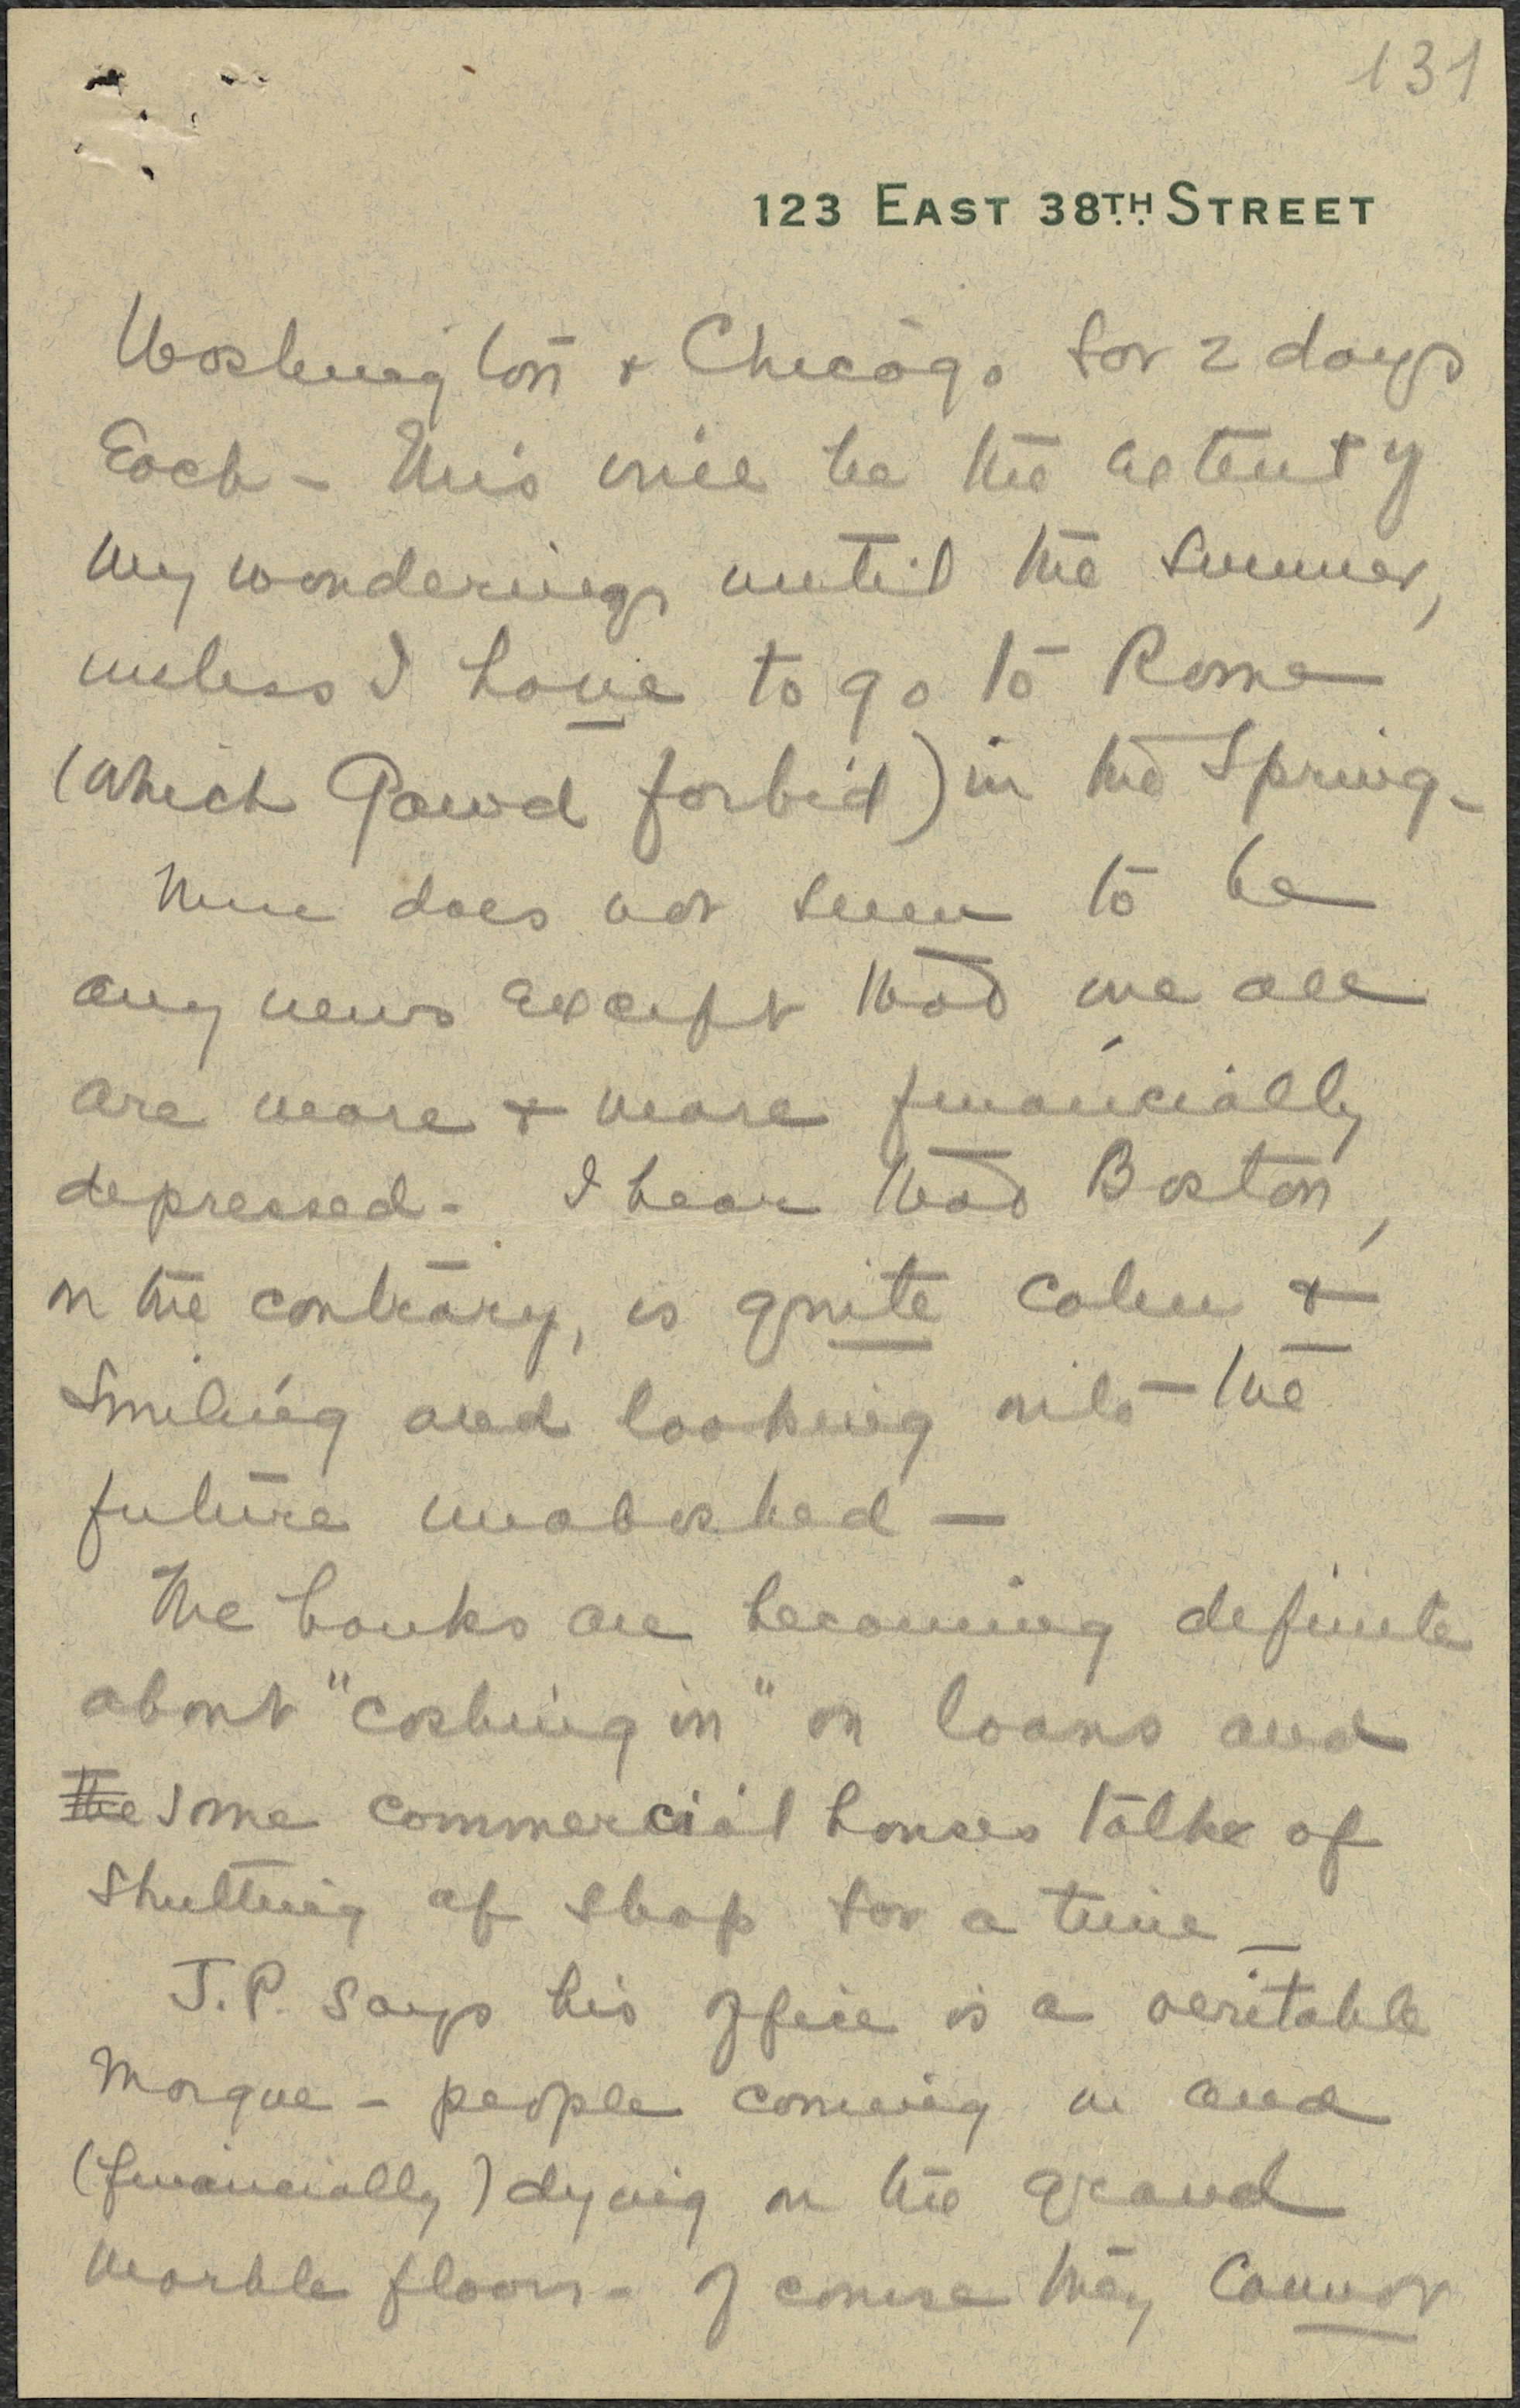Washington & Chicago for 2 days each – This will be the extent of my wanderings until the summer, unless I have to go to Rome (which Gawd forbid) in the Spring –
There does not seem to be any news except that we all are more & more financially depressed. I hear that Boston, on the contrary, is quite calm & smiling and looking into the future unabashed –
The banks are becoming definite about "cashing in" on loans and the some commercial houses talke of shutting up shop for a time –
J.P. says his office is a veritable morgue – people coming in and (financially) dying on the grand marble floors – of course they cannot